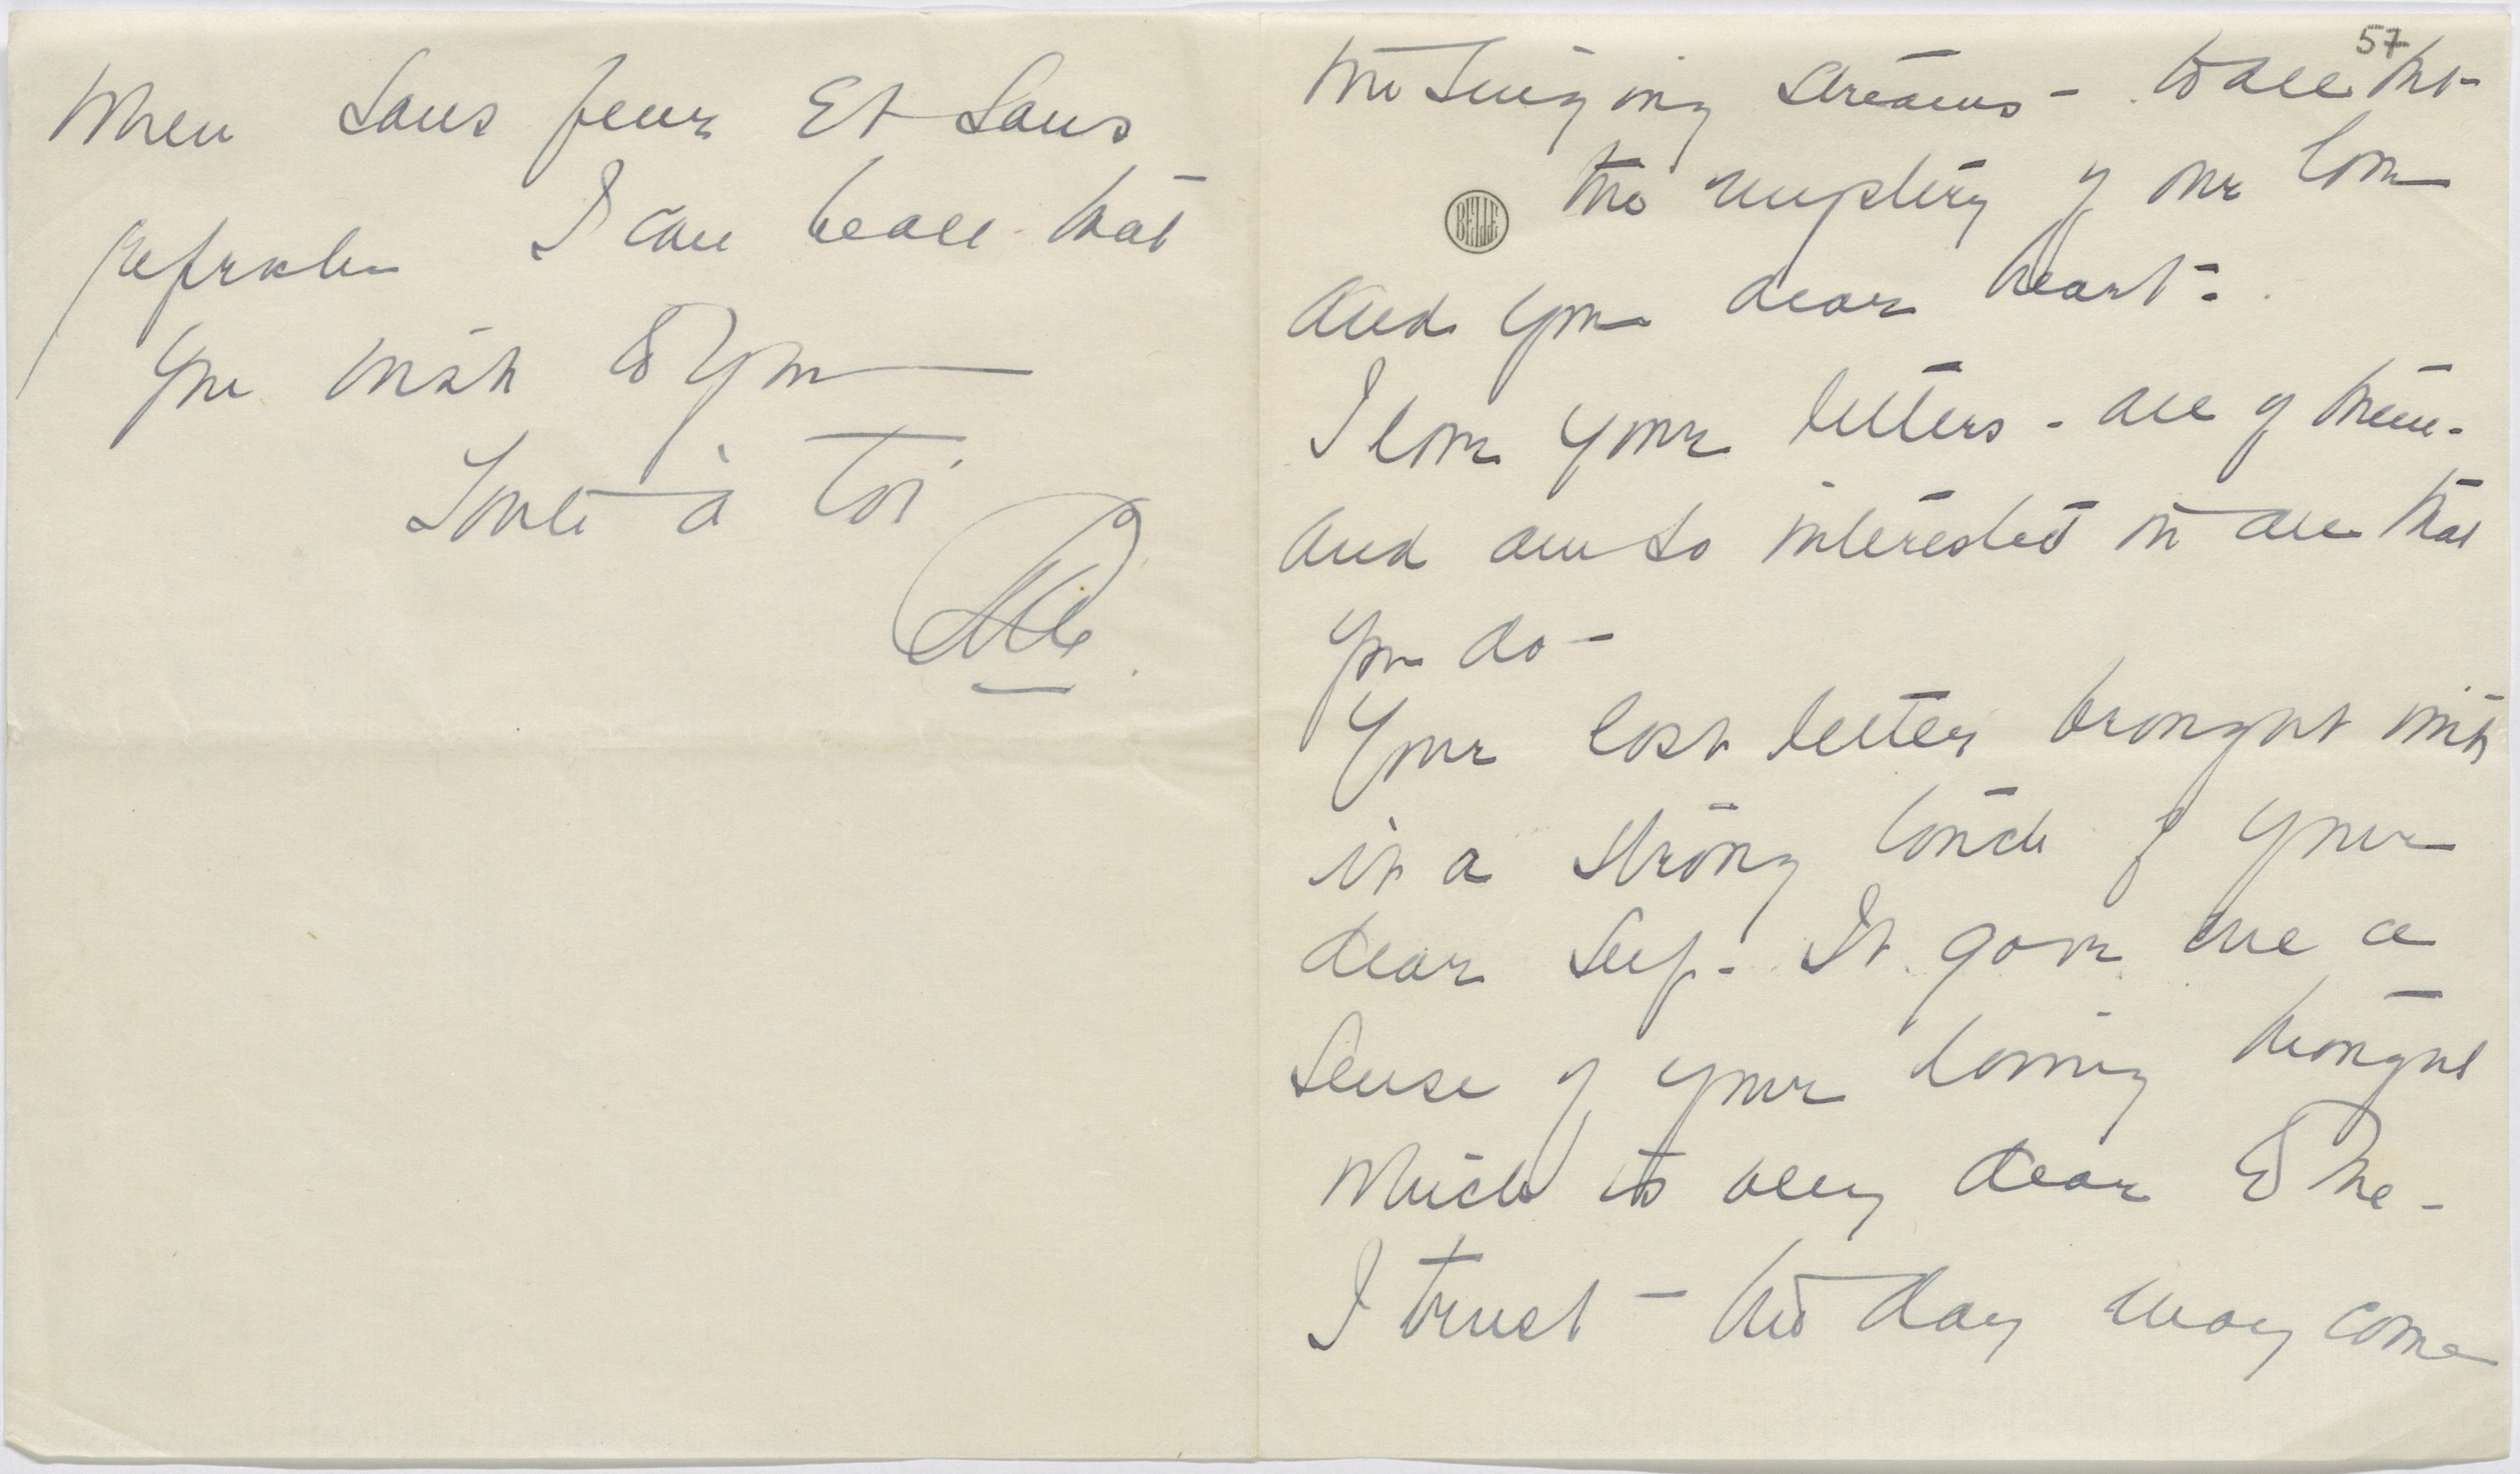the singing streams – to all but the mystery of our love and your dear heart –
I love your letters – all of them – and am so interested in all that you do –
Your last letter brought with it a strong touch of your dear self – It gave me a sense of your loving thought which is very dear to me – I trust the day may come
when sans peur et sans reproche I can be all that you wish to you
Toute à toi
Belle.